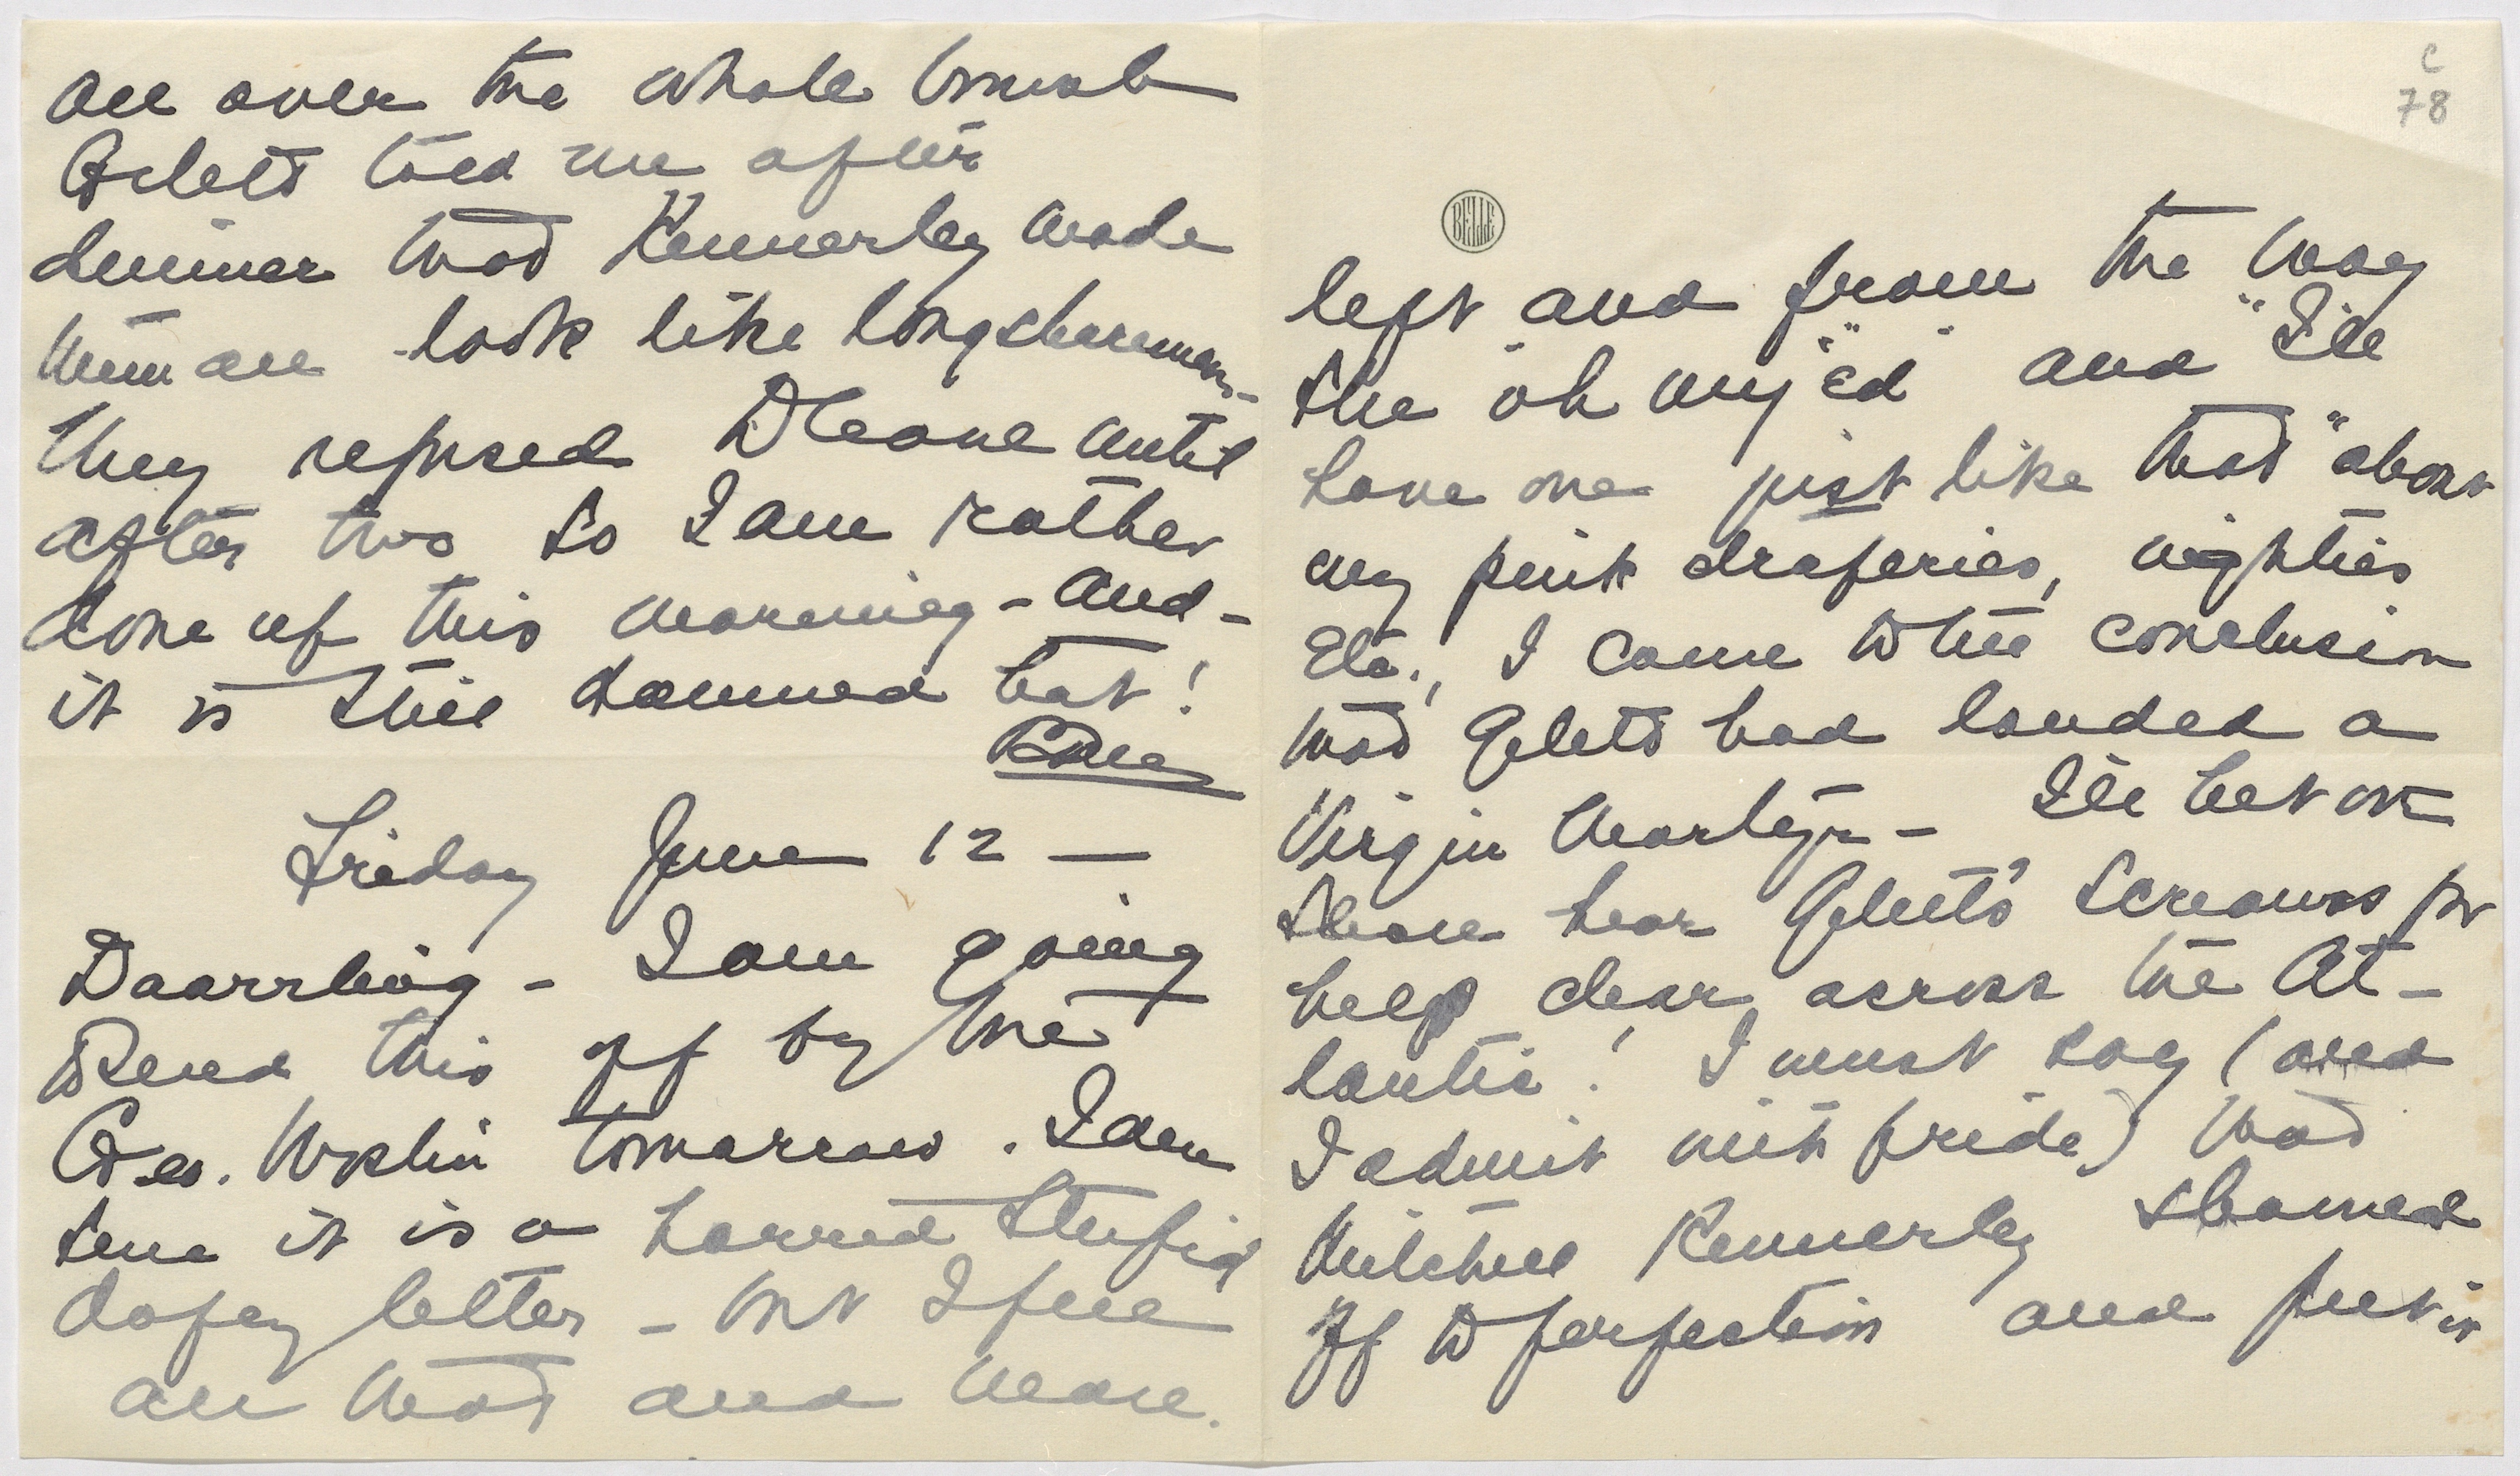left and from the way she “oh my’ed” and “I’ll have one just like that” about my pink draperies, nighties etc., I came to the conclusion that Gelett had landed a Virgin Martyr – I’ll bet we shall hear Gelett’s screams for help clear across the Atlantic! I must say (and I admit with pride) that Mitchell Kennerley showed off to perfection and put it
all over the whole bunch Gelett told me after dinner that Kennerley made them all look like longshoremen – they refused to leave until after two so I am rather done up this morning – and – it is still damned hot!
Belle
Friday June 12 –
Daarrling – I am going to send this off by the Geo. Wash. tomorrow. I am sure it is a horrid stupid dopey letter – but I feel all that and more.